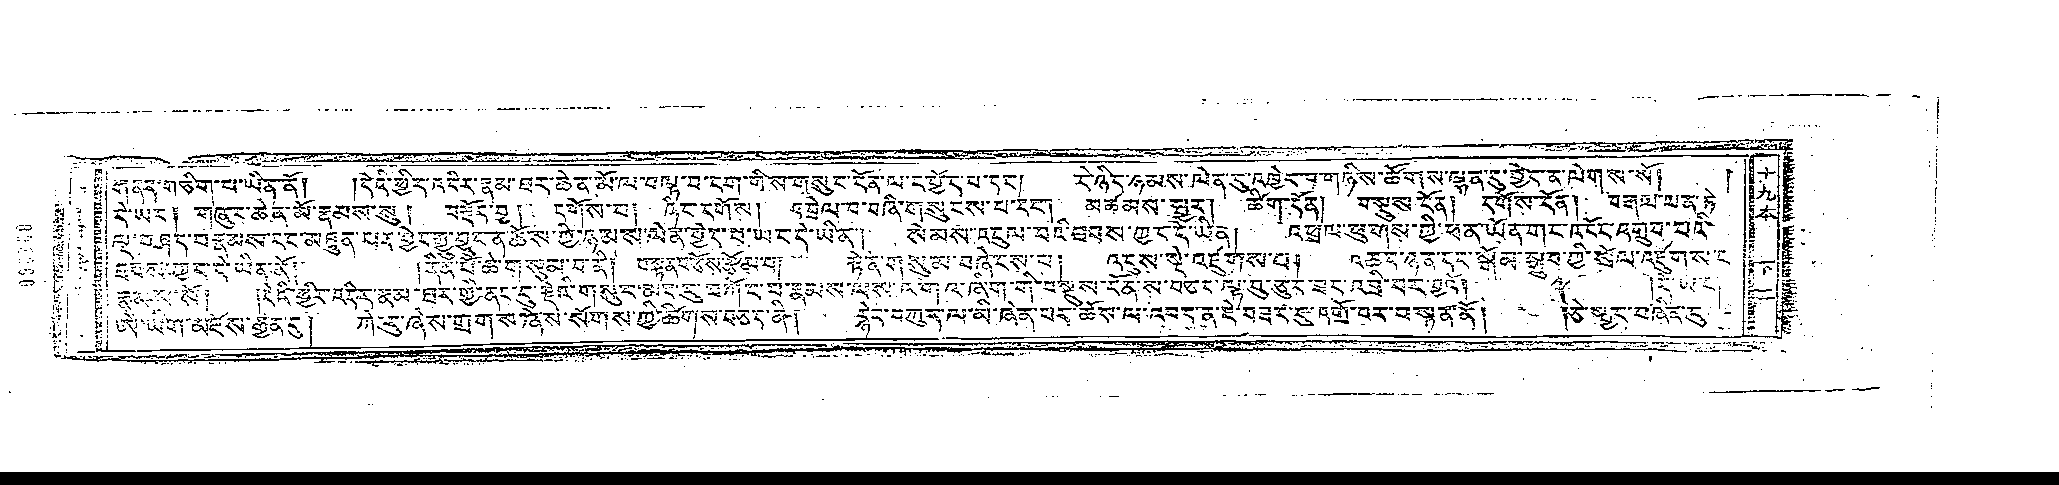གནད་གཅིག་པ་ཡིན་ནོ། །དེའི་ཕྱིར་འདིར་རྣམ་ཐར་ཆེན་མོ་ལ་བལྟ་བ་དག་གིས་གསུང་དོན་ལ་དཔྱོད་པ་དང་། དེ་ཉིད་ཉམས་ལེན་དུ་འཁྱེར་བ་གཉིས་ཚོགས་ལྷན་དུ་བྱེད་ན་ལེགས་སོ། །
དེ་ཡང་། གཞུང་ཆེན་མོ་རྣམས་སུ། བརྗོད་བྱ། དགོས་པ། ཉིང་དགོས། འབྲེལ་བ་བཞི་གསུངས་པ་དང་། མཚམས་སྦྱར། ཚིག་དོན། བསྡུས་དོན། དགོས་དོན། བརྒལ་ལན་ཏེ་
ལྔ་བཤད་པ་རྣམས་དང་མཐུན་པར་བྱེད་རྒྱུ་བྱུང་ན་ཆོས་ཀྱི་ཉམས་ལེན་བྱེད་པ་ཡང་དེ་ཡིན། སེམས་འདུལ་བའི་ཐབས་ཀྱང་དེ་ཡིན། འཕྲལ་ཕུགས་ཀྱི་ཕན་ཡོན་གང་འདོད་འགྲུབ་པའི་
ཐབས་ཀྱང་དེ་ཡིན་ནོ། །རིན་པོ་ཆེ་གསུམ་བ་ནི། བསྟན་བཅོས་རྩོམ་པ། རྟེན་གསུམ་བཞེངས་པ། འདུས་སྡེ་འཛུགས་པ། འཆད་ཉན་དང་སྒོམ་སྒྲུབ་ཀྱི་སྲོལ་འཛུགས་པ་
རྣམས་སོ། །དེའི་ཕྱིར་འདིར་རྣམ་ཐར་གྱི་ནང་དུ་རྗེའི་གསུང་མང་དུ་བཀོད་པ་རྣམས་ལས་འགའ་ཞིག་གི་བསྡུས་དོན་ས་བཅད་ལྟ་བུ་ཅུང་ཟད་འཕྲི་བར་བྱའོ། ༈ །དེ་ཡང་།
ཨེ་ཡིག་མཛེས་རྒྱན་དུ། ཀེ་རུ་ཞེས་གྲགས་ཞེས་སོགས་ཀྱི་ཚིགས་བཅད་ནི། རྙེད་བཀུར་ལ་མི་ཞེན་པར་ཆོས་ལ་འབད་ན་ཇེ་བཟང་དུ་འགྲོ་བར་བསྟན་ནོ། །ཅེ་སྦྱང་བཞིན་དུ་